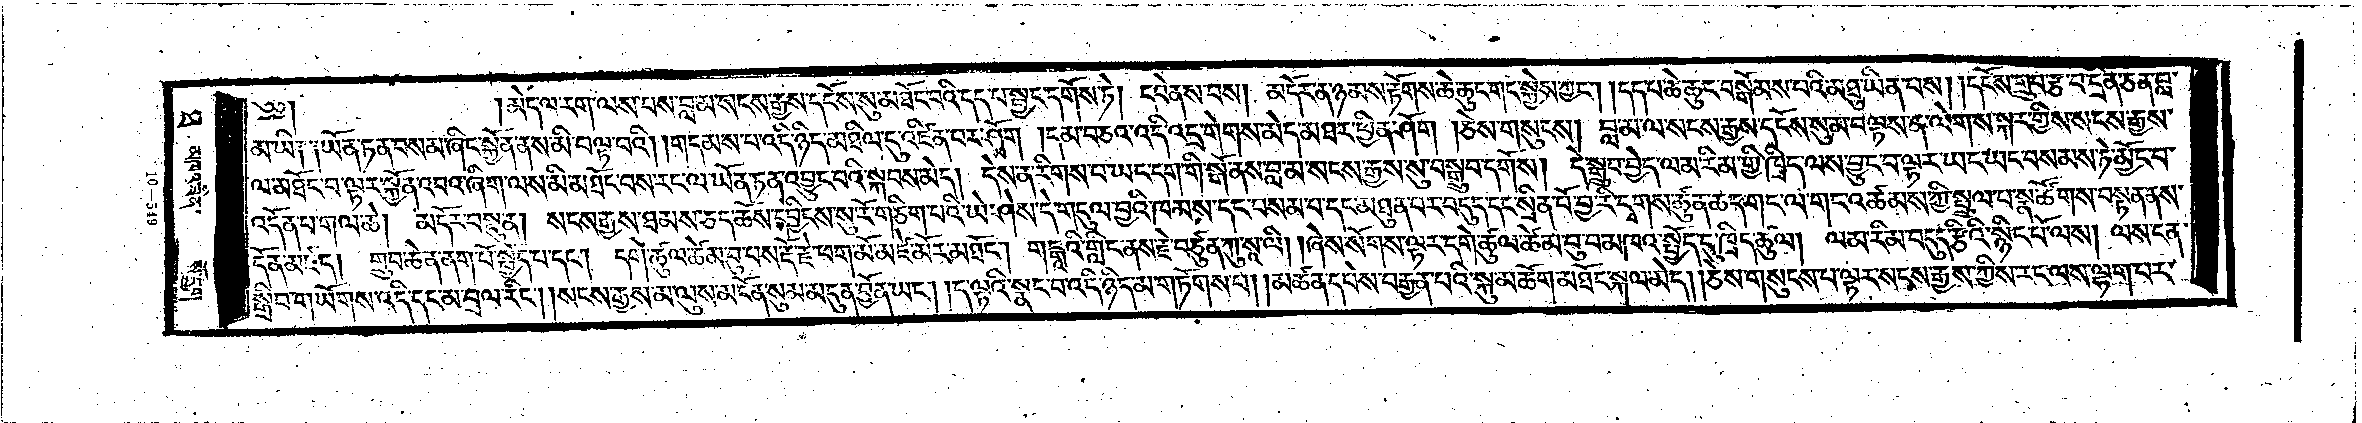༄༅། །མེད་ལ་རག་ལས་པས་བླ་མ་སངས་རྒྱས་དངོས་སུ་མཐོང་བའི་དད་པ་སྦྱང་དགོས་ཏེ། དབེན་ས་བས། མདོར་ན་ཉམས་རྟོགས་ཆེ་ཆུང་གང་སྐྱེས་ཀྱང་། །དད་པ་ཆེ་ཆུང་བསྒོམས་པའི་མཐུ་ཡིན་པས། །དངོས་གྲུབ་རྩ་བ་དྲིན་ཅན་བླ་
མ་ཡི༑ ༑ཡོན་ཏན་བསམ་ཞིང་སྐྱོན་ནས་མི་བལྟ་བའི། །གདམས་པ་འདི་ཉིད་མཐིལ་དུ་འཛིན་པར་ཤོག །དམ་བཅའ་འདི་འདྲ་གེགས་མེད་མཐར་ཕྱིན་ཤོག །ཅེས་གསུངས། བླ་མ་ལ་སངས་རྒྱས་དངོས་སུ་མ་བལྟས་ན་ལེགས་སྐར་གྱིས་སངས་རྒྱས་
ལ་མཐོང་བ་ལྟར་སྐྱོན་འབའ་ཞིག་ལས་མི་མཐོང་བས་རང་ལ་ཡོན་ཏན་འབྱུང་བའི་སྐབས་མེད། དེས་ན་རིགས་པ་ཡང་དག་གི་སྒོ་ནས་བླ་མ་སངས་རྒྱས་སུ་བསྒྲུབ་དགོས། དེ་སྒྲུབ་བྱེད་ལམ་རིམ་གྱི་ཁྲིད་ལས་བྱུང་བ་ལྟར་ཡང་ཡང་བསམས་ཏེ་མྱོང་བ་
འདོན་པ་གལ་ཆེ། མདོར་བསྡུ་ན། སངས་རྒྱས་ཐམས་ཅད་ཆོས་དབྱིངས་སུ་རོ་གཅིག་པའི་ཡེ་ཤེས་དེ་གདུལ་བྱའི་ཁམས་དང་བསམ་པ་དང་མཐུན་པར་བདུད་དང་སྲིན་པོ་བྱ་རི་དྭགས་ཚུན་ཆད་གང་ལ་གང་འཚམས་ཀྱི་སྤྲུལ་པ་སྣ་ཚོགས་བསྟན་ནས།
དོན་མཛད། གྲུབ་ཆེན་ནག་པོ་སྤྱོད་པ་དང་། དགེ་ཚུལ་ཚེམ་བུ་པས་རྡོ་རྗེ་ཕག་མོ་མཛེ་མོར་མཐོར། གངྒཱའི་གླིང་ནས་རྗེ་བཙུན་ཀུ་སཱ་ལི། །ཞེས་སོགས་ལྟར་དགེ་ཚུལ་ཚེམ་བུ་བ་མཁའ་སྤྱོད་དུ་ཁྲིད་ཚུལ། ལམ་རིམ་བདུད་རྩིའི་སྙིང་པོ་ལས། ལས་ངན་
སྒྲིབ་གཡོགས་འདི་དང་མ་བྲལ་རིང་། །སངས་རྒྱས་མ་ལུས་མངོན་སུམ་མདུན་བྱོན་ཡང་། །ད་ལྟའི་སྣང་བ་འདི་ཉིད་མ་གཏོགས་པ། །མཚན་དཔེས་བརྒྱན་པའི་སྐུ་མཆོག་མཐོང་སྐལ་མེད། །ཅེས་གསུངས་པ་ལྟར་སངས་རྒྱས་ཀྱིས་རང་ལས་ལྷག་པར་